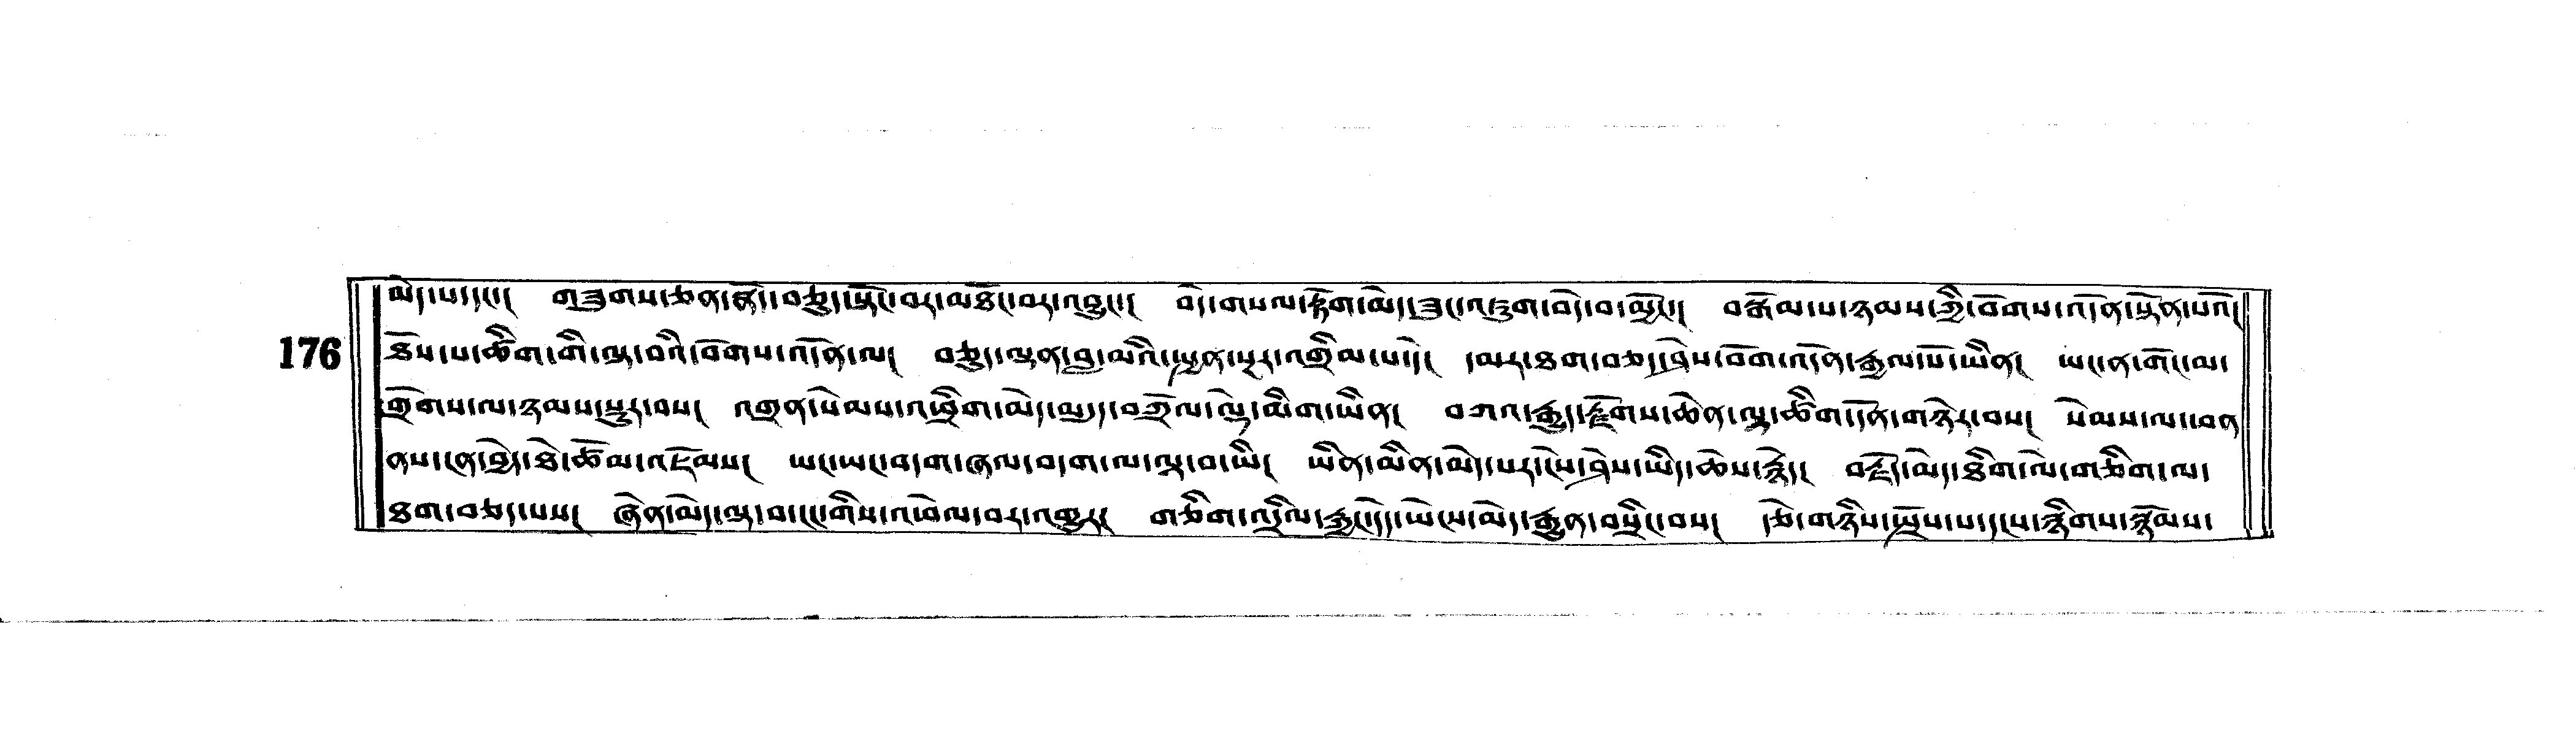མེད་པ་དང་། གཟུགས་ཅན་སྣོད་བཅུད་སྟོང་བར་མཐོང་བ་འབྱུང་། བདེ་གསལ་རྟོག་མེད་ཟུང་འཇུག་བདེ་བ་མྱོང་། སྒོམ་པ་ཉམས་ཀྱི་བོགས་འདོན་སྟོན་པའོ། 
ཐོས་པ་ཚིག་གི་ལྟ་བའི་བོགས་འདོན་ལ། བཅུད་ལྡན་བླ་མའི་སྤྱན་སྔར་འགྲིམས་པ་དེ། དམར་ཐག་བཅད་ཤེས་བོག་འདོན་རྒྱལ་པོ་ཡིན། ཡང་ན་གོང་མ་
གྲོགས་ལ་ཉམས་བསྡུར་བས། འགྲན་སེམས་འཕྲིག་མེད་མདུད་བཀྲོལ་ལྡེ་མིག་ཡིན། བཀའ་བརྒྱུད་རྫོགས་ཆེན་ལྟ་ཚིག་དོན་གཉེར་བས། སེམས་ལ་ཕན་
ནས་ངན་བྱེད་ཐེ་ཚོམ་འཇོམས། ཡང་ཡང་བདག་ཞལ་བདག་ལ་ལྟ་བ་ཡི། ཡིན་མིན་མེད་པར་ངེས་ཤེས་ཡིད་ཆེས་རྙེད། བརྗོད་མེད་ཐིག་ལེ་གཅིག་ལ་
ཐག་བཅད་པས། ཞེན་མེད་ལྟ་བ་ངང་གིས་འཕེལ་བར་འགྱུར། གཅིག་འདྲིལ་རྐྱང་དེད་ཡེངས་མེད་རྒྱུན་བསྲིངས་བས། རྩེ་གཉིས་སྤྲོས་པ་དྭངས་སྙིགས་སྙོམས་